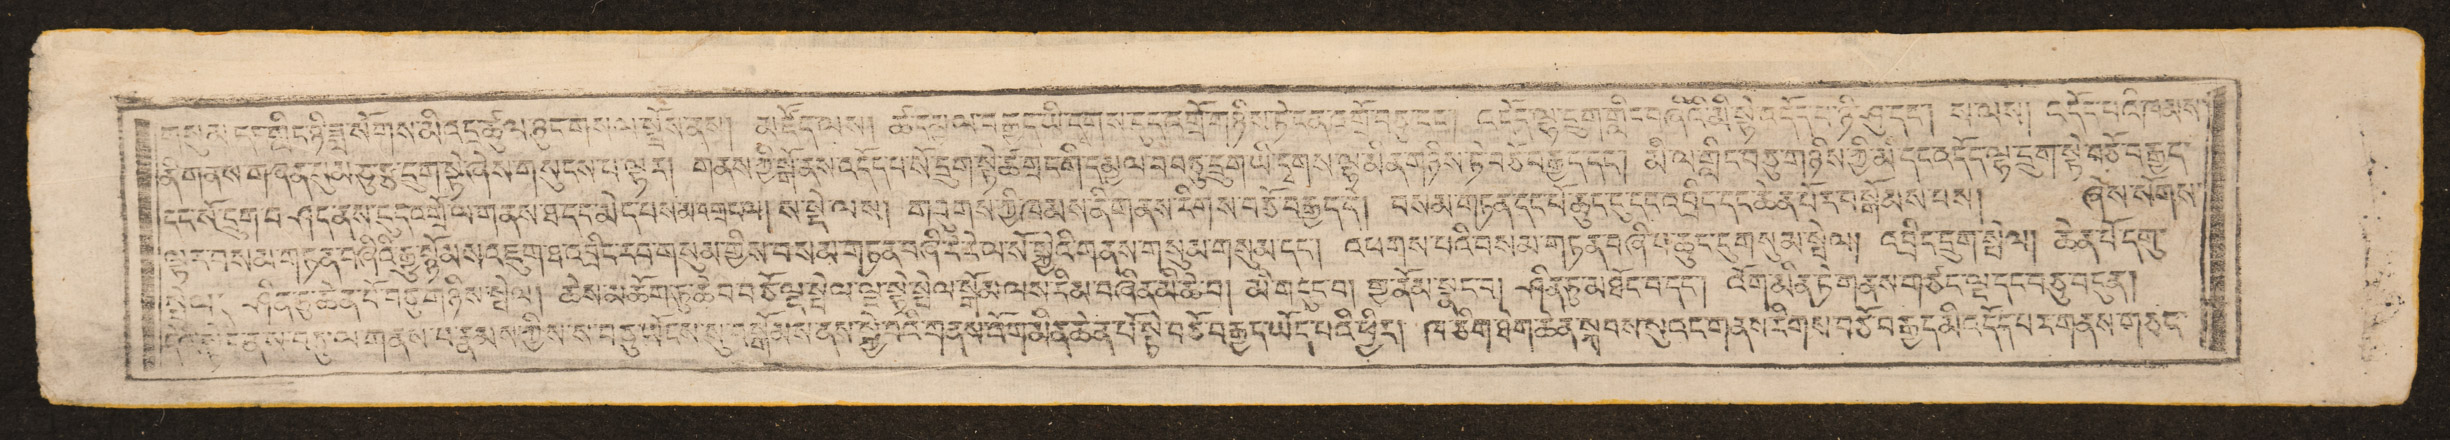གསུམ་དང་གླིང་ཉི་ཟླ་སོགས་མི་འདྲ་ཚུལ་ཉུང་གསལ་སྤྲོས་ནས། མཛོད་ལས། ཚ་དམྱལ་བརྒྱད་ཡི་དྭགས་དུད་འགྲོ་གཉིས་ཏེ་ངན་འགྲོ་བཅུ་དང་། འདོད་ལྷ་དྲུག་གླིང་བཞིའི་མི་སྟེ་འདོད་པ་ཉི་ཤུ་དང་། ས་ལས། འདོད་པའི་ཁམས་
ནི་གནས་གཞན་སུམ་ཅུ་རྩ་དྲུག་སྟེ་ཞེས་གསུངས་པ་ལྟར། གནས་ཀྱི་སྒོ་ནས་འདོད་པ་སོ་དྲུག་སྟེ་ཚ་གྲང་གི་དམྱལ་བ་བཅུ་དྲུག་ཡི་དྭགས་ལྷ་མིན་གཉིས་ཏེ་བཅོ་བརྒྱད་དང་། མི་ལ་གླིང་བཅུ་གཉིས་ཀྱི་མི་དང་འདོད་ལྷ་དྲུག་སྟེ་བཅོ་བརྒྱད་
དང་སོ་དྲུག་བཤད་ནས་དུད་འགྲོ་ལ་གནས་ཐ་དང་མེད་པས་མ་འགྲང་ལ། ས་སྡེ་ལས། གཟུགས་ཀྱི་ཁམས་ནི་གནས་རིགས་བཅོ་བརྒྱད་དེ། བསམ་གཏན་དང་པོ་ཆུང་ངུ་དང་འབྲིང་དང་ཆེན་པོར་བསྒོམས་པས། ཞེས་སོགས་
ལྟར་བསམ་གཏན་བཞིའི་རྒྱུ་སྙོམས་འཇུག་ཐ་འབྲིང་རབ་གསུམ་གྱིས་བསམ་གཏན་བཞི་རེ་རེ་ལ་སོ་སྐྱེའི་གནས་གསུམ་གསུམ་དང་། འཕགས་པའི་བསམ་གཏན་བཞི་བ་ཆུང་དུ་གསུམ་སྤེལ། འབྲིང་དྲུག་སྤེལ། ཆེན་པོ་དགུ་
སྤེལ༑ ཤིན་ཏུ་ཆེན་པོ་བཅུ་གཉིས་སྤེལ། ཆེས་མཆོག་ཏུ་ཆེ་བ་བཅོ་ལྔ་སྤེལ་ལྔ་སྟེ་སྤེལ་སྒོམ་ལས་རིམ་བཞིན་མི་ཆེ་བ། མི་གདུང་བ། གྱ་ནོམ་སྣང་བ། ཤིན་ཏུ་མཐོང་བ་དང་། འོག་མིན་ཏེ་གནས་གཙང་ལྔ་དང་བཅུ་བདུན།
དེའི་སྟེང་ནས་བཅུ་ལ་གནས་པ་རྣམས་ཀྱིས་ས་བཅུ་ཡོངས་སུ་བསྒོམས་ནས་སྐྱེ་བའི་གནས་འོག་མིན་ཆེན་པོ་སྟེ་བཅོ་བརྒྱད་ཡོད་པའི་ཕྱིར། ཁ་ཅིག་ཐེག་ཆེན་སྐབས་སུའང་གནས་རིགས་བཅོ་བརྒྱད་མི་འདོད་པར་གནས་གཅད་